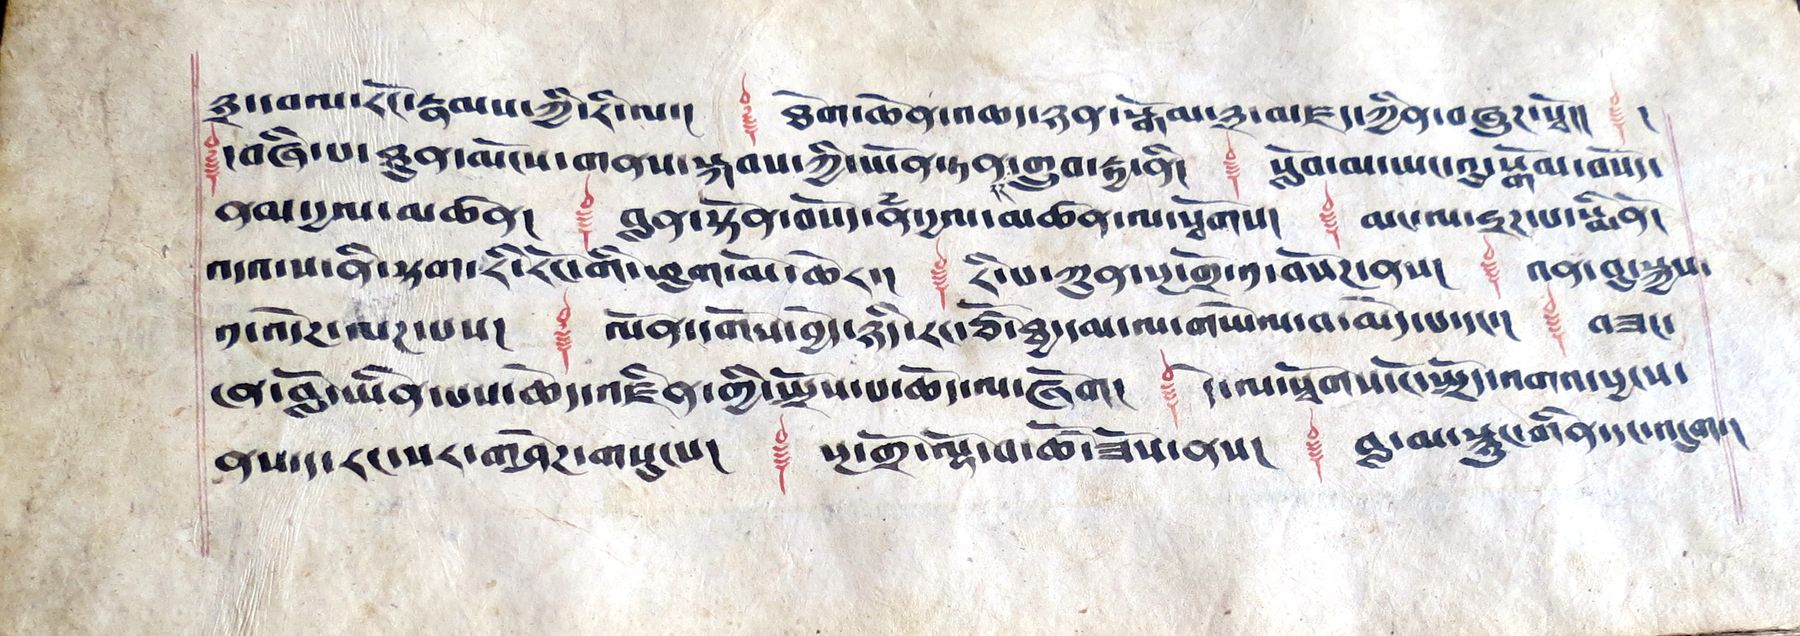གསུམ་དབལ་རོང་རྣམས་ཀྱི་རི་ལ། ཐེག་ཆེན་འཆད་ཉན་སྒོམ་གསུམ་མཛད་ཀྱིན་བཞུགས་སོ། 
། བཞི་པ་ཐུན་མོང་དང་གནས་སྐབས་ཀྱི་ཡོན་ཏན་གྲུབ་རྟགས་ནི། སློབ་མ་ཡང་འུ་སྒོམ་བསོད་
ནམས་རྒྱལ་མཚན། གླན་སྟོན་བསོད་ནམས་རྒྱལ་མཚན་ལས་སོགས། མང་ལ་དྲག་པར་སྨིན་ནོ། ། 
འདས་ས་ནི་སྟག་རོང་གི་ཕུག་མོ་ཆེར། རི་པ་ཀུན་སྔ་དྲོ་ཞིག་བསོགས་ནས། ཨ་བུ་སྐྱས་
ཤིག་འདེགས་ལགས་པས། ལོན་དགོས་བྱེད་ཉིད་རང་ཚོ་ཐུགས་དམ་ལ་གཡེལ་བ་མེད་པ་དང་། བཟང་
ངན་བློ་ཡིན་པས་ཆེད་འཛིན་གྱི་སྤྲོས་པ་ཆོད་ལ་ཞོག དེ་ལས་སོགས་ངོ་སྤྲོད་འགའ་གསུངས་
ནས་ད་རང་སར་གཤེགས་གསུངས། སྔ་དྲོ་ལྟོ་བ་ཚོ་ཟོས་ནས་བླ་མ་བསྙུང་གིན་དང་འདུག